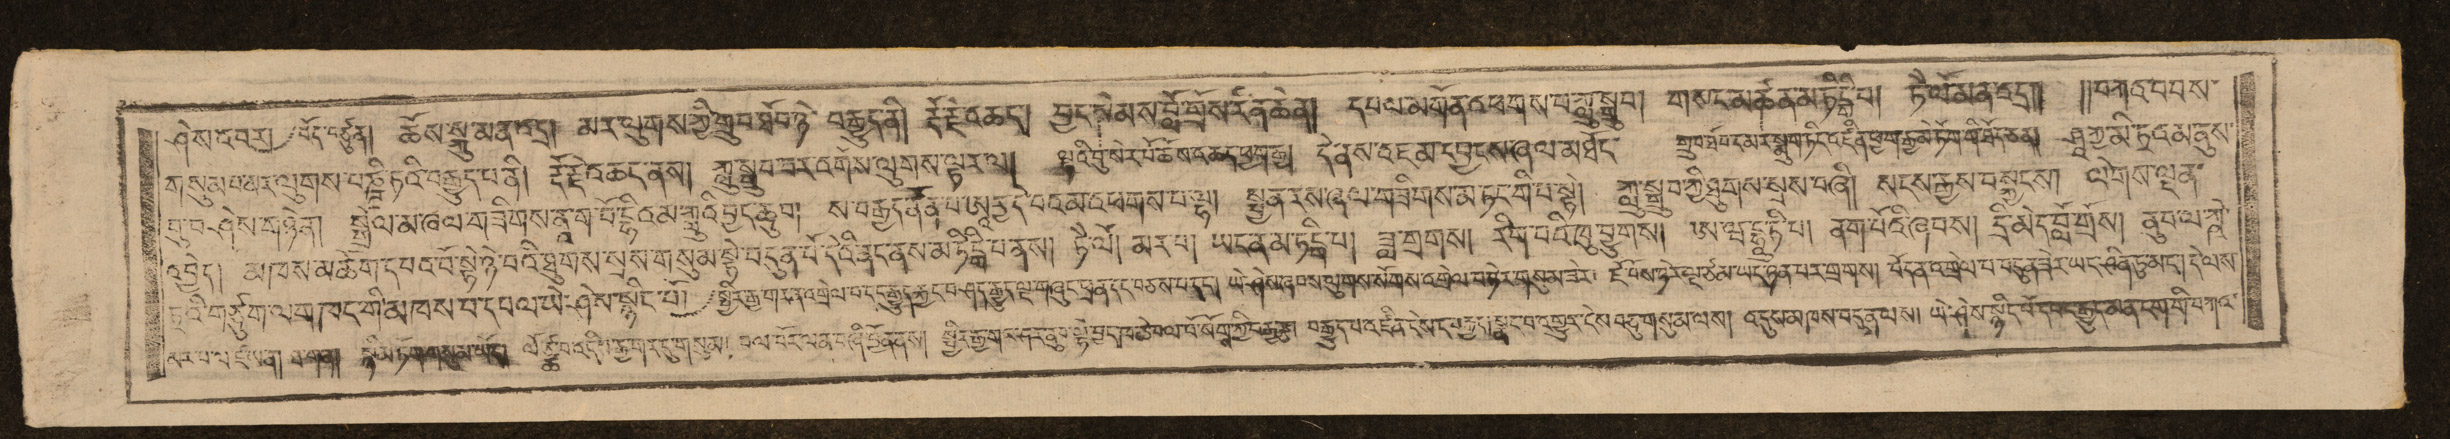ཤེས་འགར། བོད་བཙུན། ཆོས་སྐུ་མན་འདྲ། མར་ལུགས་ཀྱི་གྲུང་ཐོབ་ཉེ་བརྒྱུད་ནི། རྡོ་རྗེ་འཆང་། བྱང་སེམས་བློ་གྲོས་རིན་ཆེ། དཔལ་མགོན་འཕགས་པ་ཀླུ་སྒྲུབ། གསང་མཚན་མ་ཏིང་དགི་པ། ཏཻ་ལོ་མན་འདྲ།། །།བཀའ་བབས་
གསུམ་པ་མར་ལུགས་པཎྜི་ཏའི་བརྒྱུད་པ་ནི། རྡོ་རྗེ་འཆང་ནས། ཀླུ་སྒྲུབ་བར་འགོས་ལུགས་ལྟར་ལ། ལྷའི་བུ་སེར་པོ་ཆོས་འཆད་ཕྱག་རྒྱ། དེ་ནས་འཇམ་དབྱངས་ཞལ་མཐོང་གྲུབ་ཐོབ་དམར་སྨུག་ཏིང་འཛིན་ཕྱག་རྒྱ་མེ་ཏོག་གི་ཐོད་ཅན། ཤཱཀྱ་མི་ཏྲའམ་ནུས་
བུ་བ་ཤེས་གཉེན། སྒྲོལ་མ་ཞལ་གཟིགས་ནཱ་ག་པོ་ངྷིའམ་ཀླུའི་བྱང་ཆུབ། ས་བརྒྱད་ནོན་པ་ཨཱརྱ་དེ་བའམ་འཕགས་པ་ལྟ། སྤྱན་རས་ཞལ་གཟིགས་མ་ཏང་གི་པ་སྟེ། ཀླུ་སྒྲུབ་ཀྱི་ཐུགས་སྲས་བཞི། སངས་རྒྱས་བསྐྱངས། ལེགས་ལྡན་
འབྱེད། མཁས་མཆོག་དཔའ་བོ་སྟེ་ཉེ་བའི་ཐུགས་སྲས་གསུམ་སྟེ་བདུན་པོ་དེའི་ནང་ནས་མ་ཏི་ངྒི་པ་ནས། ཏཻ་ལོ། མར་པ། ཡང་ན་མ་ཏངྒི་པ། ཟླ་གྲགས། རིག་པའི་ཁུ་བྱུགས། ཨ་ཝ་ངྷ་ཏི་པ། ནག་པོའི་ཞབས། དྲི་མེད་བློ་གྲོས། ནུབ་ལ་ཀྵེ་
ཏྲའི་གཙུག་ལག་ཁང་གི་མཁས་པ་དཔལ་ཡེ་ཤེས་སྙིང་པོ། སྤྱིར་རྒྱ་གར་ན་འགྲེལ་བ་དང་རྒྱུད་རྐྱང་བཤད་རྒྱུད་ལྔ་གཞུང་ཕྲན་དང་བཅས་པ་དང་། ཡེ་ཤེས་ཞབས་ལུགས་སོགས་འགྲེལ་པ་ཉེར་གསུམ་ཟེར། ཇོ་བོས་ཉེར་ལྔ་ཙམ་ཡང་ཉན་པར་གྲགས། བོད་ན་འགྲེལ་པ་བདུན་ཟེར་ཡང་ཤིན་ཏུ་མང་། དེ་ལས་
མར་པ་ལ་ཛ་ཡན། ཐ་གན། སྙིམ་ཏོག་གསུམ་ཡོད། ལོ་ཙྪ་བ་འདིས་རྒྱ་གར་དུ་གསུམ། བལ་པོར་ལན་བཞི་བྱོན་ནས། སྤྱིར་རྒྱ་གར་དང་ནུབ་སྟེ་བྱང་ཁ་ཆེ་བ་ལ་བོ་སོགས་ཀྱི་བརྒྱ་རྩ། བརྒྱུད་པ་འཛིན་དེས་ད་བརྒྱས་སྣང་བ་འགྱུར་ངེས་བཅུ་གསུམ་ལས། འདུས་མཁས་བདུན་ལས། ཡེ་ཤེས་སྙིང་པོ་དབང་རྒྱུད་མན་ངག་གི་བཀའ་